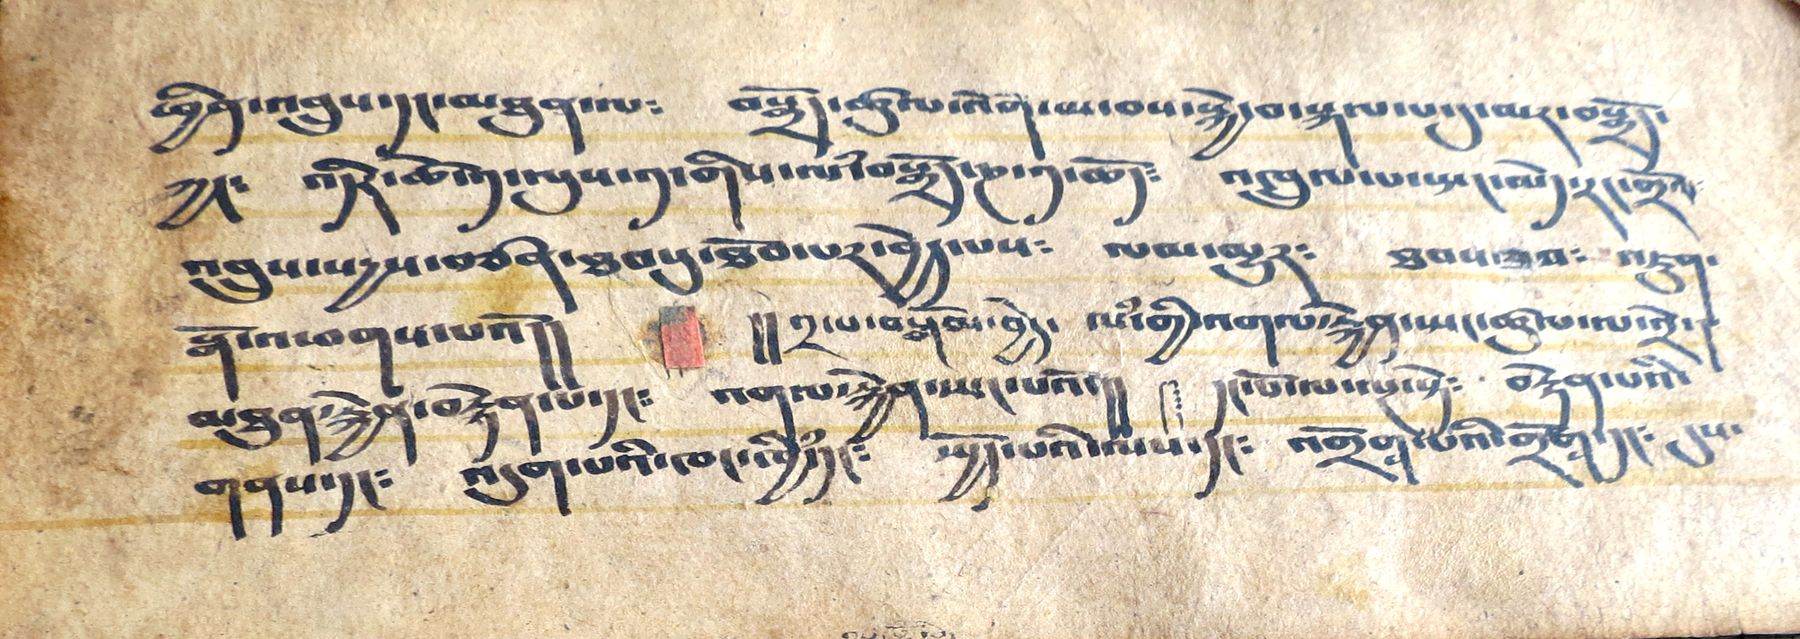ཕྱིན་འབྲས་བུ་དང་མཐུན་ལ། བསྒྲོད་ཚུལ་འོག་མ་བས་སྐྱེ་བ་བསྐལ་པ་དུ་མར་བསྒྲོད་
ཀྱང་། འདིར་ཚེ་གཅིག་ལུས་གཅིག་གིས་ལམ་བསྒྲོད་མེད་གཅིག་ཆོད། འཁྲུལ་པ་སྤངས་མེད་རང་གྲོལ། 
འབྲས་བུ་སངས་རྒྱས་བཙན་ཐབས་སུ་ཐོབ་པར་བྱེད་པས། ལམ་མྱུར། ཐབས་ཟབ་འཇུག་
སྒོ་འཕགས་པའོ། ། གཉིས་པ་སྒོམ་བྱེད། ལམ་གྱི་འགལ་རྐྱེན་སྤང་ཚུལ་ལ་གཉིས་ཏེ། 
མཐུན་རྐྱེན་བརྟེན་པ་དང་། འགལ་རྐྱེན་སྤོང་བའོ། ། དང་པོ་ལ་ལྔ་སྟེ། བརྟེན་པའི་
གནས་དང་། འདུག་པའི་ཁང་ཁྱིམ་དང་། སྤྱོད་པའི་ལས་དང་། འགྲོགས་པའི་གྲོགས་དང་། དུས་